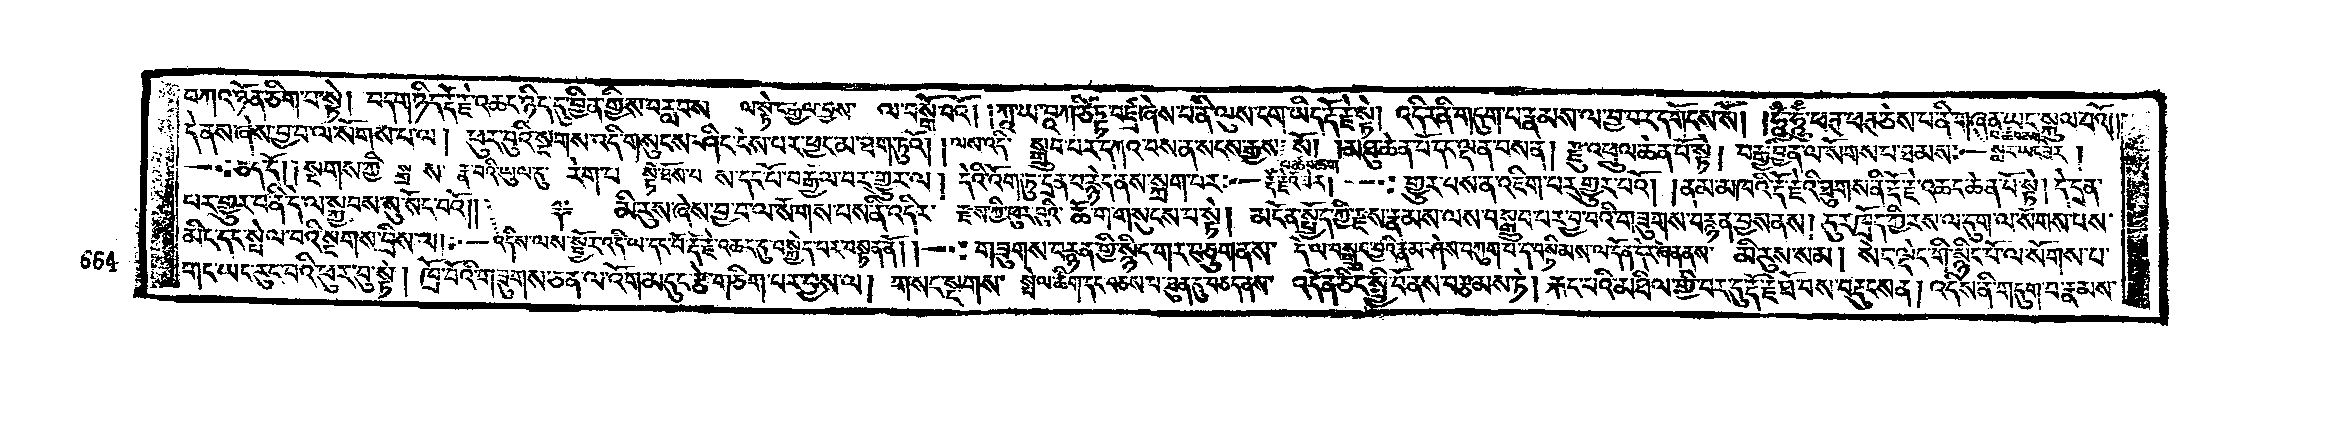བཀའ་ཉོན་ཅིག་པ་སྟེ། བདག་ཉིད་རྡོ་རྗེ་འཆང་ཉིད་དུ་བྱིན་གྱིས་བརླབས་ལ་སྟེ་ང་རྒྱལ་བྱས་ལ་བསྒོ་བའོ། །ཀཱ་ཡ་བཱཀ་ཙིཏྟ་བཛྲ་ཞེས་པ་ནི་ལུས་ངག་ཡིད་རྡོ་རྗེ་སྟེ། འདིར་ནི་གདུག་པ་རྣམས་ལ་བྱ་བར་དགོངས་སོ།།ཧཱུཾ་ཧཱུཾ་ཕཊ་ཕཊ་ཅེས་པ་ནི་གཞན་ཡང་སྐུལ་བའོ།།
དེ་ནས་ཞེས་བྱ་བ་ལ་སོགས་པ་ལ། ཕུར་བུའི་སྔགས་འདི་གསུངས་ཤིང་ངེས་པར་ཕྱང་མ་ཐག་ཏུའོ། ། ལས་འདི་སྒྲུབ་པར་དཀའ་བས་ན་སངས་རྒྱས་སོ། །མཐུ་ཆེན་པོ་དང་ལྡན་པས་ན། རྫུ་འཕྲུལ་ཆེན་པོ་སྟེ། བརྒྱ་བྱིན་ལ་སོགས་པ་ཐམསཿ་སླར་ཡང་ཟེར།
.Hཙད་དེ། །སྔགས་ཀྱི་སྒྲས་རྣ་བའི་ཡུལ་དུ་རེག་པ་སྟེ་ཐོས་པས་དང་པོ་བརྒྱལ་བར་གྱུར་ལ། དེའི་འོག་ཏུ་དྲན་པ་རྙེད་ནས་སྐྲག་པརཿ་རྡོ་རྗེའོ་པ་ཚབ་ཆག་ཟེར།  .Hགྱུར་པས་ན་འཇིག་པར་གྱུར་པའོ། །ནམ་མཁའི་རྡོ་རྗེའི་ཐུགས་ནི་རྡོ་རྗེ་འཆང་ཆེན་པོ་སྟེ། དེ་དྲན་
པར་གྱུར་པ་ནི་དེ་ལ་སྐྱབས་སུ་སོང་བའོ།། ༈ མི་རུས་ཞེས་བྱ་བ་ལ་སོགས་པས་ནི་འདིར་རྫས་ཀྱི་ཕུར་བུའི་ཆོ་ག་གསུངས་པ་སྟེ། མངོན་སྤྱོད་ཀྱི་རྫས་རྣམས་ལས་བསྒྲུབ་པར་བྱ་བའི་གཟུགས་བརྙན་བྱས་ནས། དུར་ཁྲོད་ཀྱི་རས་ལ་དུག་ལ་སོགས་པས་
མིང་དང་སྤེལ་བའི་སྔགས་བྲིས་ལ།H.་འདིས་ལས་སྦྱོར་འདི་ལ་དང་པོ་རྡོ་རྗེ་འཆང་དུ་བསྐྱེད་པར་བསྟན་ནོ། །  .Hགཟུགས་བརྙན་གྱི་སྙིང་གར་བཅུག་ནས་དེ་ལ་བསྒྲུབ་བྱའི་རྣམ་ཤེས་བཀུག་པ་ད་བསྟིམས་ལ་དོན་དེར་ཞེན་ནས་མི་རུས་སམ། སེང་ལྡེང་གི་སྙིང་པོ་ལ་སོགས་པ་
གང་ཡང་རུང་བའི་ཕུར་བུ་སྟེ། ཁྲོ་བོའི་གཟུགས་ཅན་ལ་འོག་མདུང་རྩེ་གཅིག་པར་བྱས་ལ། གསང་སྔགས་སྤེལ་ཚིག་དང་བཅས་པ་ཐུན་དུ་བཅད་ནས་འདོན་ཅིང་སྤྱི་བོ་ནས་བརྩམས་ཏེ། རྐང་པའི་མཐིལ་གྱི་བར་དུ་རྡོ་རྗེ་ཐོ་བས་བརྡུངས་ན། འདིས་ནི་གདུག་པ་རྣམས་